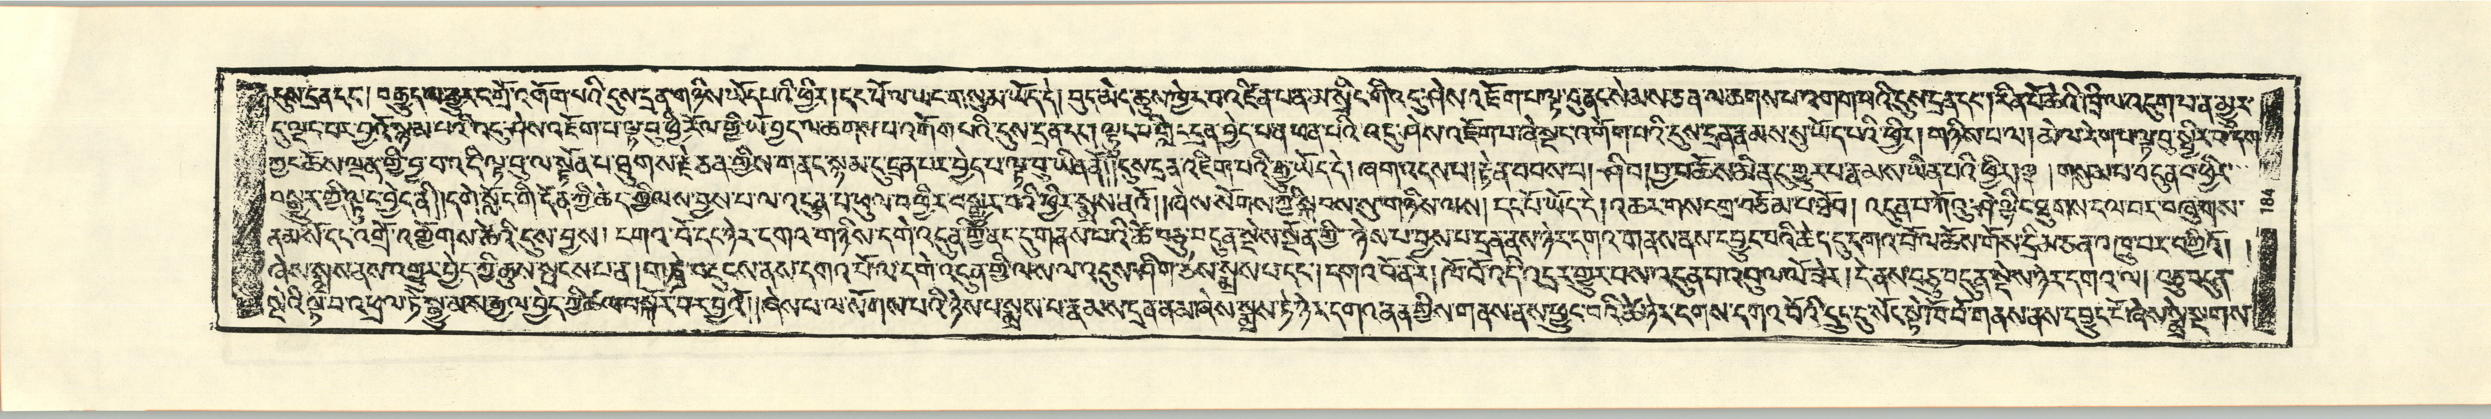དུས་དྲན་དང་། བརྒྱུད་ལ་རྒྱུར་འགྲོ་འགོག་པའི་དུས་དྲན་གཉིས་ཡོད་པའི་ཕྱིར། དང་པོ་ལ་ཡང་གསུམ་ཡོད་དེ། བུད་མེད་ཆུས་ཁྱེར་བ་འཛིན་པ་ན་མ་སྲིང་གི་འདུ་ཤེས་འཇོག་པ་ལྟ་བུ་ནང་སེམས་ཅན་ལ་ཆགས་པ་འགག་པའི་དུས་དྲན་དང་། རིན་པོ་ཆེའི་ཁྲི་ལ་འདུག་པ་ན་མྱུར་
དུ་ལྡང་བར་བྱའོ་སྙམ་པའི་འདུ་ཤེས་འཇོག་པ་ལྟ་བུ་ཕྱི་རོལ་གྱི་ཡོ་བྱང་ལ་ཆགས་པ་འགོག་པའི་དུས་དྲན་དང་། ལྟུང་བ་གླིང་དྲན་བྱེད་པ་ན་ཕན་པའི་འདུ་ཤེས་འཇོག་པ་ཞེ་སྡང་འགོག་པའི་དུས་དྲན་རྣམས་སུ་ཡོད་པའི་ཕྱིར། གཉིས་པ་ལ། མེ་ལ་རེག་པ་ལྟ་བུ་སྤྱིར་བདག་
ཀྱང་ཆོས་ལྡན་གྱི་བྱ་བ་འདི་ལྟ་བུ་ལ་སྟོན་པ་ཐུགས་རྗེ་ཅན་གྱིས་གནང་སྙམ་དུ་དྲན་པར་བྱེད་པ་ལྟ་བུ་ཡིན་ནོ། །དུས་དྲན་འཇིག་པའི་རྒྱུ་ཡོད་དེ། ཞག་འདས་པ། རྟེན་བབས་པ། ཤི་བ། བྱ་བ་ཆོས་མིན་དུ་གྱུར་པ་རྣམས་ཡིན་པའི་ཕྱིར། ༈ །གསུམ་པ་བདུན་བ་ཕྱིར་
བསྒྱུར་གྱི་ལྟུང་བྱེད་ནི། །དགེ་སློང་གི་དོན་གྱི་ཆེད་ཀྱི་ལས་བྱས་པ་ལ་འདུན་པ་ཕུལ་བ་ཕྱིར་བསྒྱུར་པའི་ཕྱིར་སྨྲས་ནའོ། །ཞེས་སོགས་ཀྱི་སྐབས་སུ་གཉིས་ལས། དང་པོ་ཡོད་དེ། འཆར་གས་དགྲ་བཅོམ་པ་ཐོབ། འདུན་པ་ཀོའུ་ཤེ་ལྟིང་ཐུགས་ངལ་བར་བཞུགས་
ནམ་སོ་དང་འགྲོ་འགྱོགས་ཚེའི་དུས་བྱས། དགའ་བོ་དང་ཉེར་དགའ་གཉིས་དགེ་འདུན་གྱི་ནང་དུ་གནས་པའི་ཚེ་བཅུ་བདུན་སྡེས་སྔོན་གྱི་ཉེས་པ་བྱས་པ་དྲན་ནས་ཉེར་དགའ་གནས་ནས་དབྱུང་བའི་ཆེད་དུ་དགའ་བོ་ལ་ཆོས་གོས་དྲི་མ་ཅན་འཁྲུ་བར་བགྱིའོ། །
ཞེས་སྨྲས་ནས་འགྱུར་བྱེད་ཀྱི་ཆུས་སྤངས་པ་ན། དྞྜེ་བརྡུངས་ནས་དགའ་པོ་ལ་དགེ་འདུན་གྱི་ལས་ལ་འདུས་ཤིག་ཅེས་སྨྲས་པ་དང་། དགའ་བོ་ན་རེ། ཁོ་བོ་འདི་འདྲར་གྱུར་བས་འདུན་པ་འབུལ་ལོ་ཟེར། དེ་ནས་བཅུ་བདུན་སྡེ་ས་ཉེར་དགའ་ལ། བཅུ་བདུན་
སྡེའི་ལྟ་བ་འཕྲལ་ཏེ་སྒྱུ་མས་རྒྱལ་བྱེད་ཀྱི་ཚལ་བསྐོར་བར་བྱའོ། །ཞེས་པ་ལ་སོགས་པའི་ཉེས་པ་སྨྲས་པ་རྣམས་དྲན་ནམ་ཞེས་སྨྲས་ཏེ་ཉེར་དགའ་ནན་གྱིས་གནས་ནས་ཕྱུང་བའི་ཚེ་ཉེར་དགས་དགའ་བོའི་དྲུང་དུ་སོང་སྟེ་ཁོ་བོ་གནས་ནས་དབྱུང་ངོ་ཞེས་སྨྲེ་སྔགས་